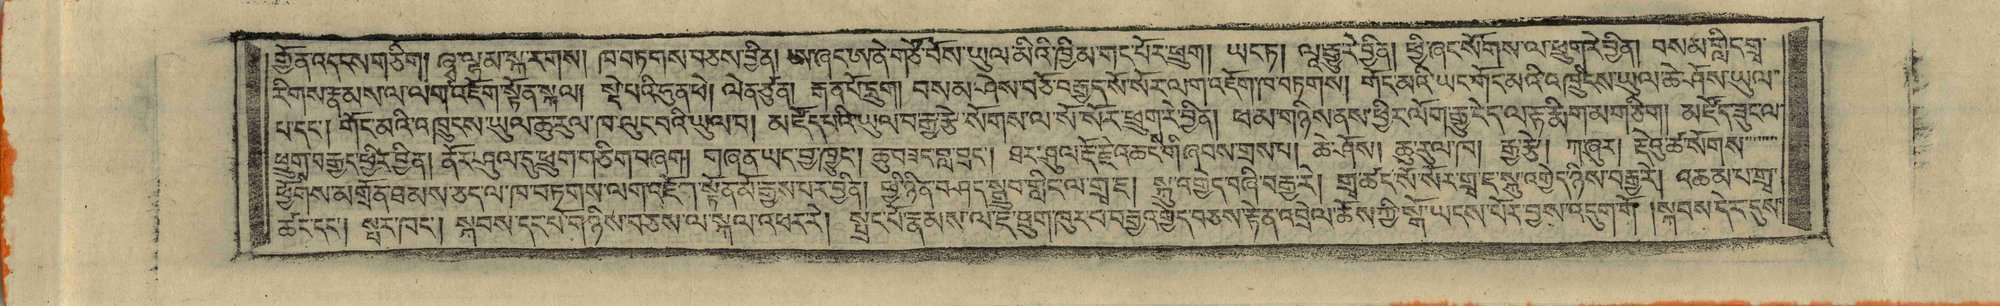གྱོན་འདངས་གཅིག །ཞྭ་ལྷམ་སྐ་རགས། ཁ་བཏགས་བཅས་བྱིན། ཨ་ཞང་ཨ་ནེ་གཙོ་བོས་ཡུལ་མིའི་ཁྱིམ་གང་པོར་ཕྲུག །ཡང་ཏ། ལཱ་རྒྱུ་རེ་བྱིན། ཕྱི་ཞང་སོགས་ལ་ཕྲུག་རེ་བྱིན། བསམ་གླིང་གྲྭ་
རིགས་རྣམས་ལ་ལག་འཇོག་སྟོན་སྐལ། སྡེ་པའི་ཧུན་ཕེ། ལེན་ཙུན། རྒན་པོ་དྲུག །བསམ་ཤེས་བཅོ་བརྒྱད་སོ་སོར་ལག་འཇོག་ཁ་བཏགས། གོང་མའི་ཡང་གོང་མའི་འཁྲུངས་ཡུལ་ཆེ་ཤོས་ཡུལ་
པ་དང་། གོང་མའི་འཁྲུངས་ཡུལ་ཆུ་རུལ་ཁ་ལུང་པའི་ཡུལ་བ། མཛོད་པའི་ཡུལ་བ་རྒྱ་རྩེ་སོགས་ལ་སོ་སོར་ཕྲུག་རེ་བྱིན། ཕ་མ་གཉིས་ནས་ཕྱིར་ལོག་རྒྱུ་ངེད་ལ་རྟ་རྨིག་མ་གཅིག །མཛོད་ཟུང་ལ་
ཕྲུགས་བརྒྱད་ཕྱིར་བྱིན། ནོར་ཤུལ་དུ་ཕྲུག་གཅིག་བཞག །གཞན་ཡང་བྱ་ཁྱུང་། ཆུ་བཟང་བླ་བྲང་། ཐར་ཤུལ་རྡོ་རྗེ་འཆང་གི་ཞབས་གྲས་པ། ཆེ་ཤོས། ཆུ་རུལ་ཁ། རྒྱ་རྩེ། ཀ་ཞུར། རྡེའུ་ཚ་སོགས་
ཕྱོགས་མགྲོན་ཐམས་ཅད་ལ་ཁ་བཏགས་ལག་འཇོག་སྟོན་མོ་རྒྱས་པར་བྱིན། ཕྱི་ཉིན་བཤད་སྒྲུབ་གླིང་ལ་གྲྭ་ཇ། སྐུ་འགྱེད་བཞི་བརྒྱ་རེ། གྲྭ་ཚང་སོ་སོར་གྲྭ་ཇ་སྐུ་འགྱེད་ཉིས་བརྒྱ་རེ། འཆམ་པ་གྲྭ་
ཚང་དང་། སྤར་ཁང་། སྐབས་དང་པོ་གཉིས་བཅས་ལ་སྐལ་འཕར་རེ། སྤྲང་པོ་རྣམས་ལ་ཇ་ཐུག་ཁུར་པ་བརྒྱ་འགྱེད་བཅས་རྟེན་འབྲེལ་ཆོས་ཀྱི་སྒོ་ཡངས་པོར་བྱས་འདུག་གོ །སྐབས་དེར་དུས་